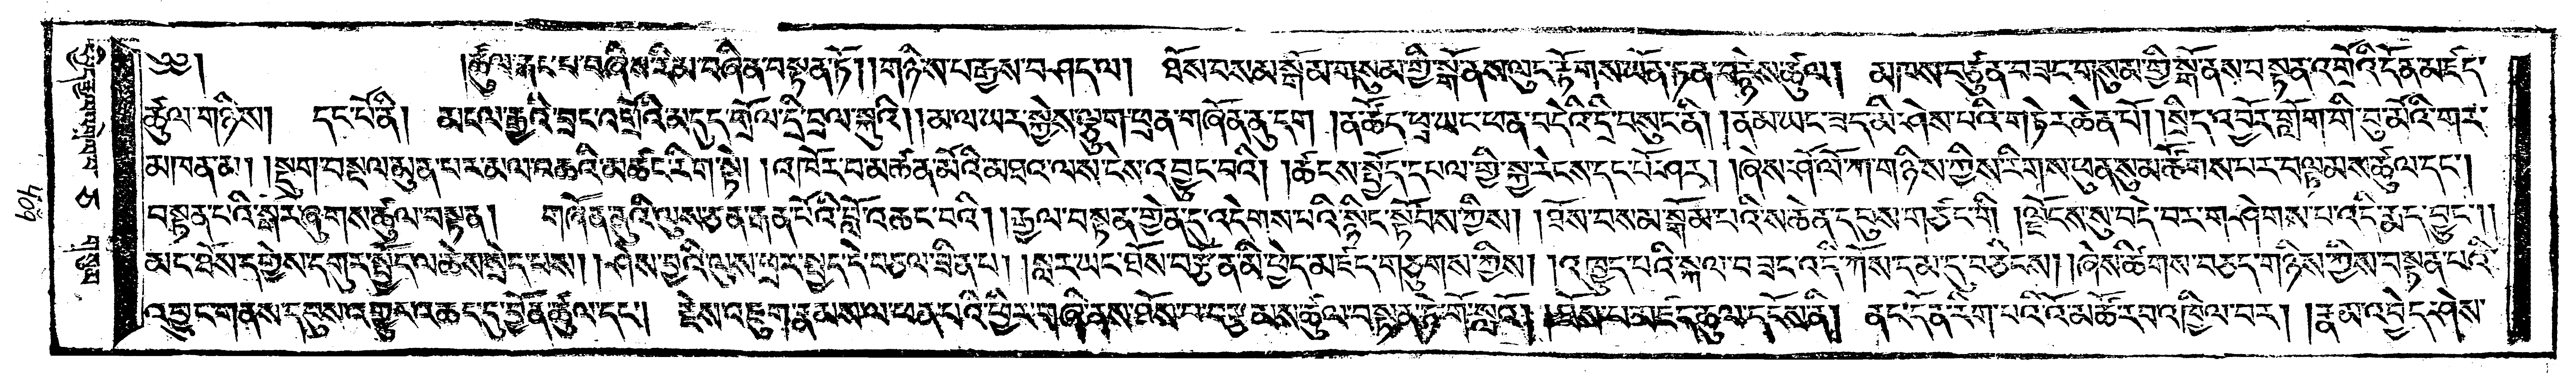༄༅། །ཚུལ་རྐང་པ་བཞིས་རིམ་བཞིན་བསྟན་ཏོ། །གཉིས་པ་རྒྱས་བཤད་ལ། ཐོས་བསམ་སྒོམ་གསུམ་གྱི་སྒོ་ནས་ལུང་རྟོགས་ཡོན་ཏན་བརྙེས་ཚུལ། མཁས་བཙུན་བཟང་གསུམ་གྱི་སྒོ་ནས་བསྟན་འགྲོའི་དོན་མཛད་
ཚུལ་གཉིས། དང་པོ་ནི། མངལ་རྒྱའི་བྲང་འགྲོའི་མདུད་གྲོལ་དྲི་བྲལ་སྐུའི། །མ་ལ་ཡར་སྐྱེས་ལྕུག་ཕྲན་གཞོན་ནུ་དག །ན་ཚོད་ཕྲ་ཡང་ཕན་བདེའི་དྲི་བསུང་ནི། །ནམ་ཡང་ཟད་མི་ཤེས་པའི་གཏེར་ཆེན་པོ། །སྲིད་འབྱོར་གློག་གི་བུ་མོའི་གར་
མཁན་མ། །སྡུག་བསྔལ་མུན་པར་མལ་འཆའི་མཚང་རིག་སྟེ། །འཁོར་བ་མཚན་མོའི་མཐའ་ལས་ངེས་འབྱུང་བའི། །ཚང་སྤྱོད་དཔལ་གྱི་སྐྱ་རེངས་དང་པོ་ཤར། །ཞེས་ཤོ་ལོ་ཀ་གཉིས་ཀྱིས་རིགས་ཕུན་སུམ་ཚོགས་པར་བལྟམས་ཚུལ་དང་།
བསྟན་པའི་སྒོར་ཞུགས་ཚུལ་བསྟན། གཞོན་ནུའི་ལུས་ཅན་རྒན་བོའི་བློ་འཆང་བའི། །རྒྱལ་བསྟན་གྱེན་དུ་འདེགས་པའི་སྙིང་སྟོབས་ཀྱིས། །ཐོས་བསམ་སྒོམ་པའི་ས་ཆེན་དབུས་གཙང་གི །ལྗོངས་སུ་བདེ་བར་གཤེགས་པ་འདི་རྨད་བྱུང་། །
མང་ཐོས་དགྱེས་དགུར་སྤྱོད་ལ་ཆེས་སྲེད་པས། །ཤེས་བྱའི་ལུས་ཕྲར་སྤྱད་དེ་བཅལ་ཟིན་པ། །སླར་ཡང་ཐོས་བརྩོན་མི་ཕྱེད་མཛད་གཅུགས་ཀྱིས། །འཁྱུད་པའི་སྐལ་བཟང་འདི་ཀོས་དམ་དུ་བཅིངས། །ཞེས་ཚིགས་བཅད་གཉིས་ཀྱིས་བསྟན་པའི་
འབྱུང་གནས་དབུས་འགྱུར་འཆང་དུ་བྱོན་ཚུལ་དང་། རྗེས་འཇུག་རྣམས་ལ་ཕན་པའི་ཕྱིར་གཞི་ནས་ཐོས་པ་བརྩམས་ཚུལ་བསྟན་ཏེ་གོ་སླའོ། །ཐོས་པ་མཛད་ཚུལ་དངོས་ནི། ནང་དོན་རིག་པའི་འོ་མཚོར་བ་འཁྱིལ་པར། །རྣམ་འབྱེད་ཤེས་